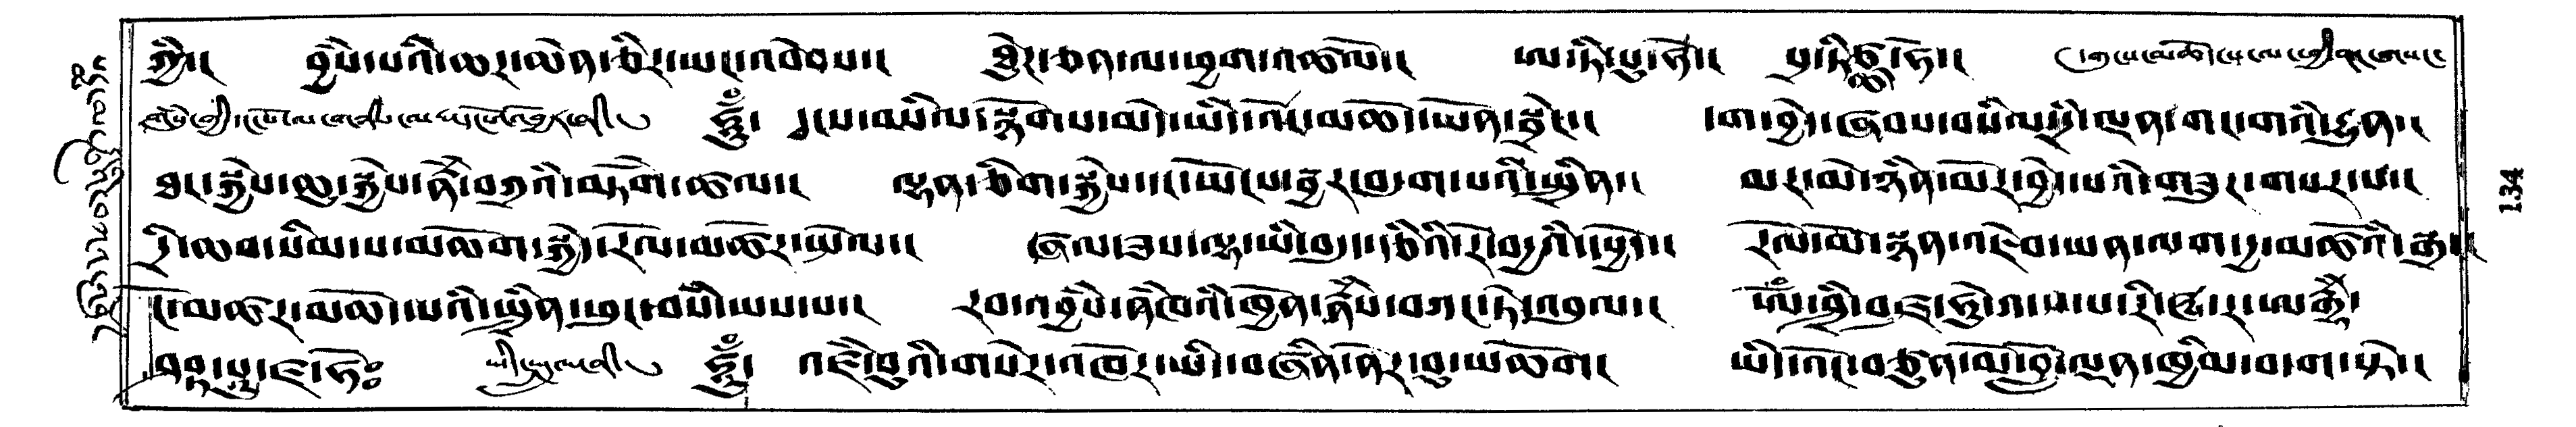ཀྱི། །བྱམས་པའི་ཆར་ཆེན་ཅིར་ཡང་འབེབས། །ཐུགས་རྗེ་ཅན་ལ་ཕྱག་འཚལ་ལོ།། ཨ་ཏི་པུ་ཧོ། པྲ་ཏིཙྪ་ཧོ། དགུང་པ་མཆོད་པ་ལ་ཕྱི་ནང་གསང་
གསུམ་གྱི་དང་པོ་ལ་གཉིས་ལས་དངོས་འབྱོར་ནི། ཧཱུྃ། དྭངས་བསིལ་སྙོགས་མེད་ཡིད་འོང་མཆོད་ཡོན་སྦྲེང་། །དག་བྱེད་ཞབས་བསིལ་དྲི་ལྡན་གངྒའི་རྒྱུན། །
ཐང་སྐྱེས་ཆུ་སྐྱེས་རྣམ་བཀྲའི་མེ་ཏོག་ཚལ། །ལྷན་ཅིག་སྐྱེས་དང་ཡོངས་སྦྱར་བདུག་པའི་སྤྲིན། །མར་མེ་ཉིན་མོར་བྱེད་པའི་གཟུགས་གསར་པ། །
དྲི་ཆབ་སིམ་པ་མཆོག་སྐྱེད་རོལ་མཚོར་སྤེལ། །ཞལ་ཟས་ལྷ་ཡི་བདུད་རྩིའི་རོ་བརྒྱའི་དཔྱིད། །རོལ་མོ་སྙན་འཇེབས་ཡན་ལག་རྒྱ་མཚོའི་སྒྲ། །
ངོ་མཚར་མཆོད་པའི་སྤྲིན་ཕུང་བསམ་ཡས་པ། །རབ་འབྱམས་ནམ་མཁའི་ཁྱོན་རྣམས་བཀང་སྟེ་འབུལ། །ཨོཾ་ཤྲཱི་བཛྲ་ཧེ་རུ་ཀ་ས་པ་རི་ཝ་ར་ཨརྒྷཾ་ནས་
ཤབྟ་པཱུ་ཛ་ཧོཿ ཡིད་སྤྲུལ་ནི། ཧཱུྃ། འཛམ་བུའི་གསེར་འཁོར་ཡིད་བཞིན་ནོར་བུ་མཆོག །ཡིད་འོང་བཙུན་མོ་བློ་ལྡན་ཁྱིམ་བདག་སྟེ།